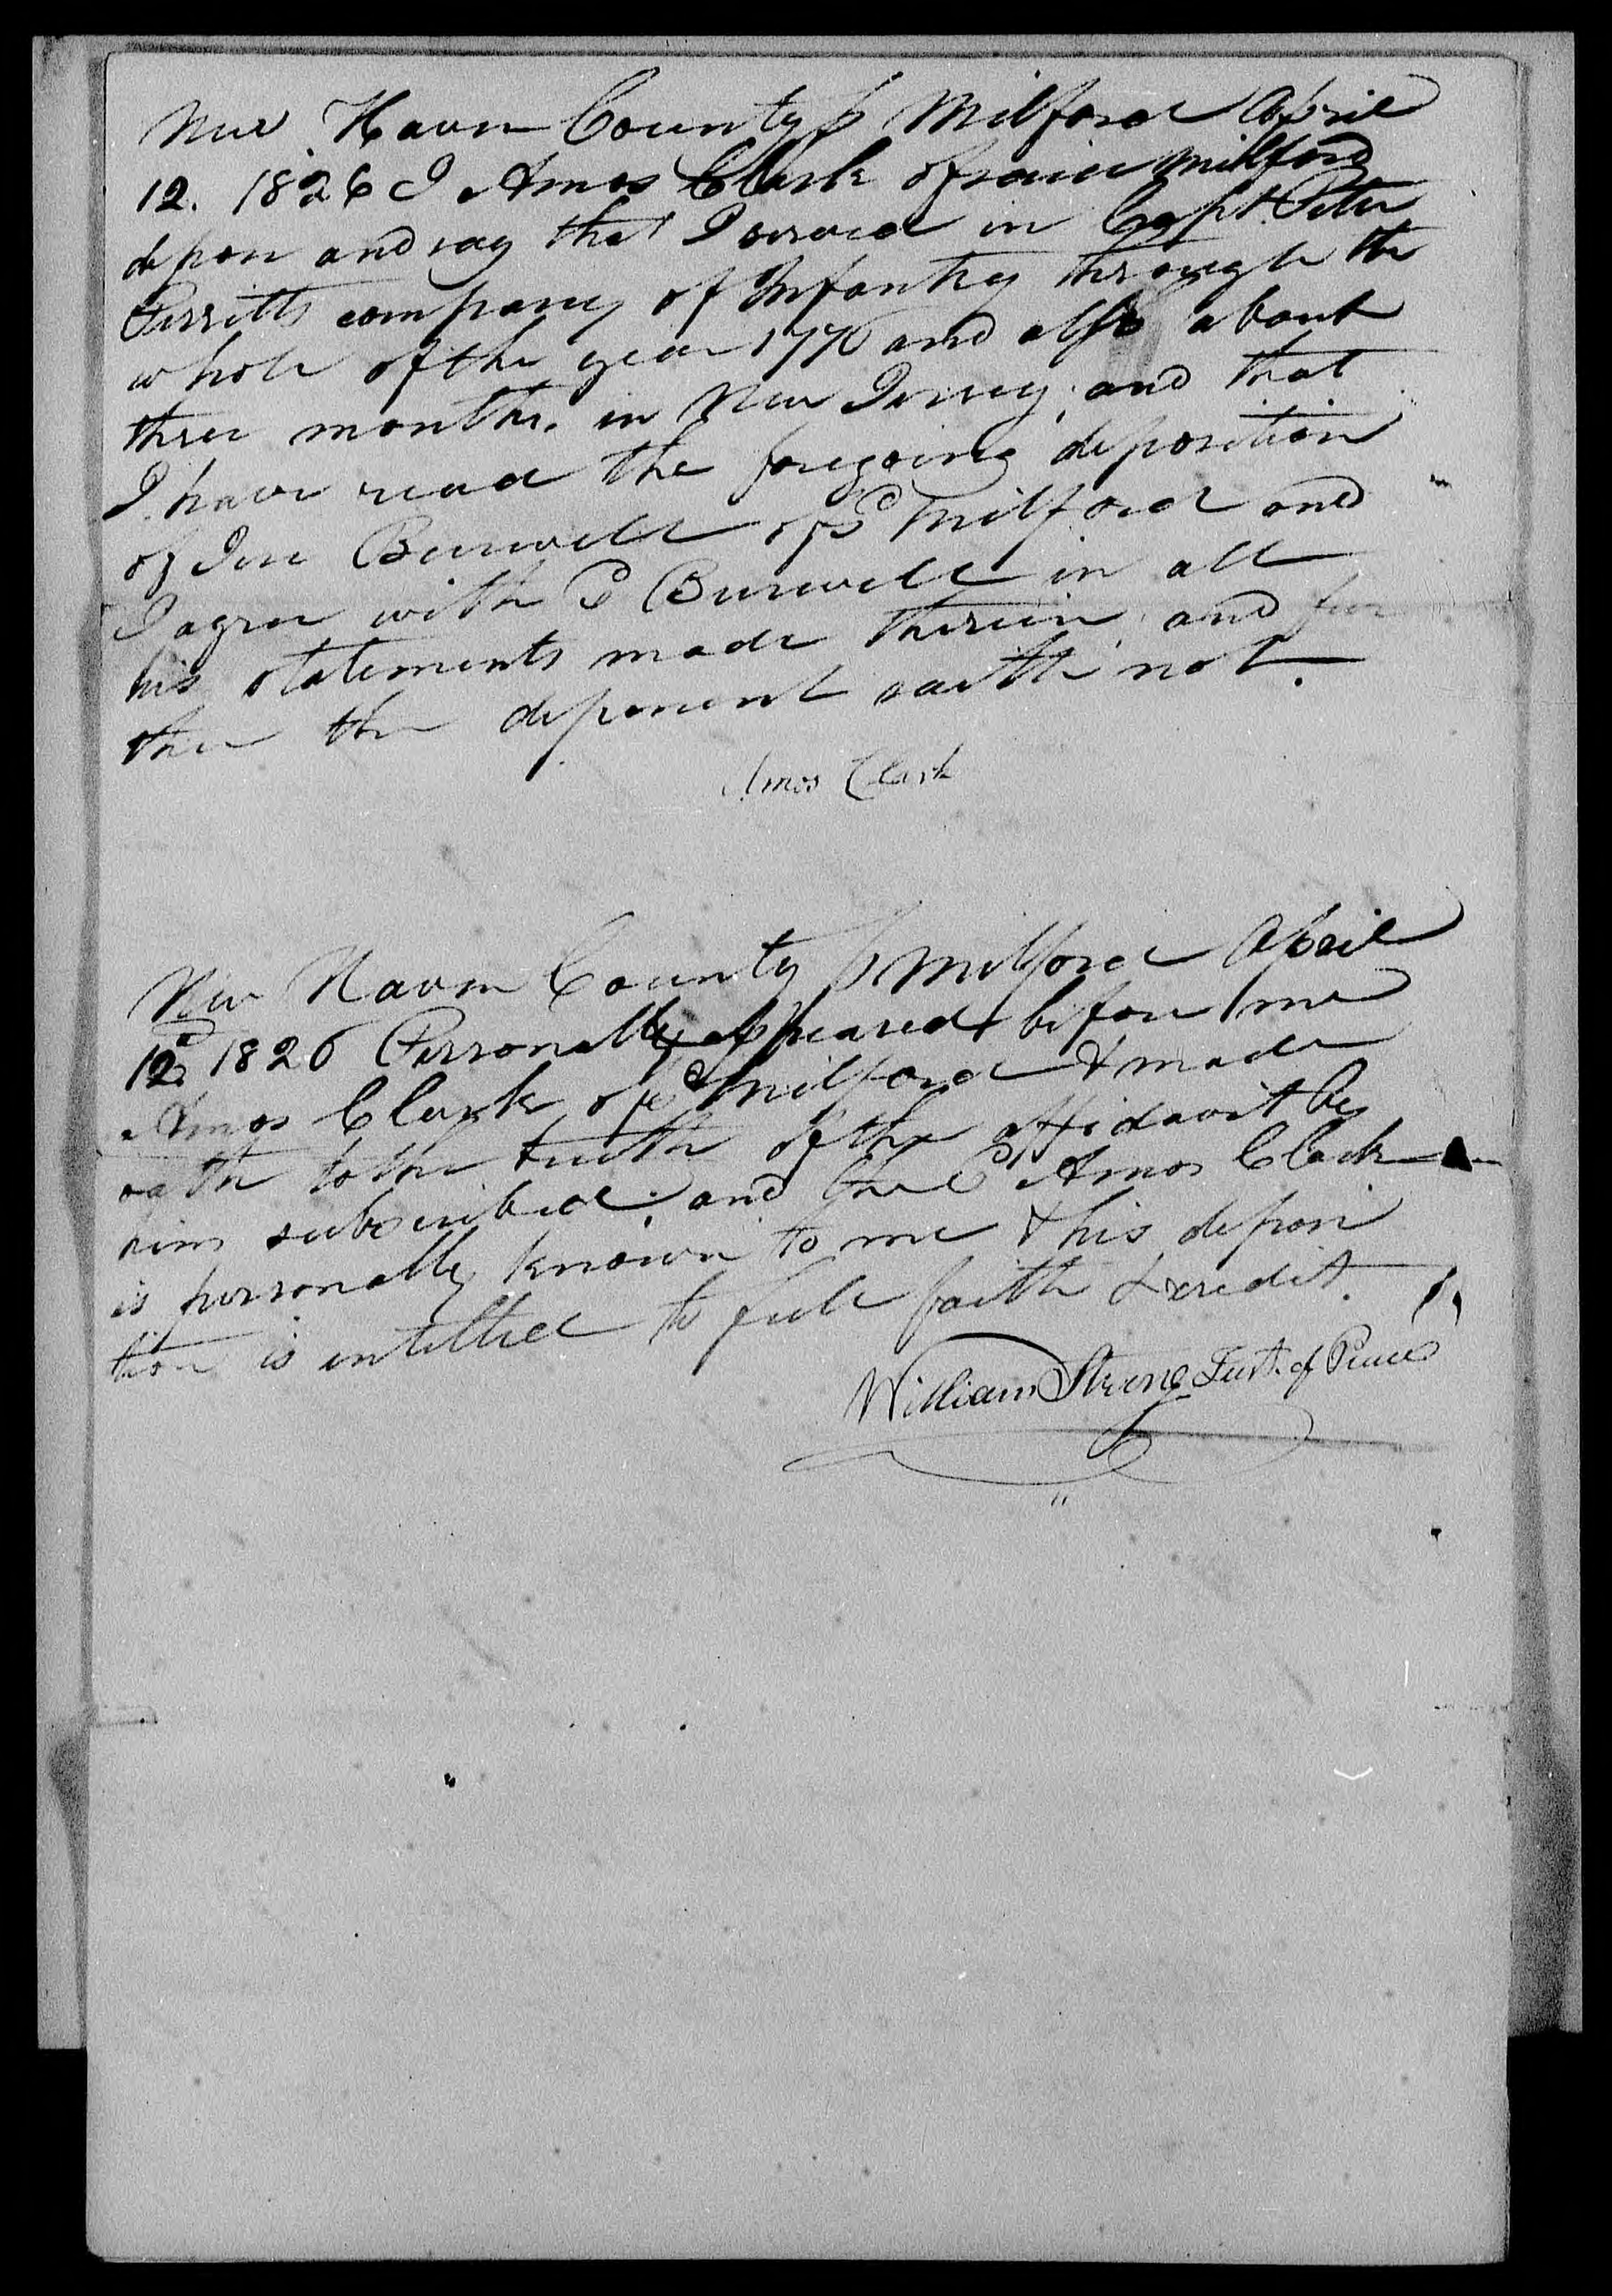New Haven County} ss:  Milford April 12. 1826
 I Amos Clark of said Milford depose and say that I served in Capt. Peter Perritt's company
of Infantry through the whole of the year 1776 and also about three months, in New Jersey and that I have read the foregoing deposition
of Jon Burwell of said Milford and I agree
with said Burwell in all statements made therein and further the deponent saith not.
[signed] Amos Clark

New Haven County} ss: Milford April 12 1826
Personally appeared before me Amos Clark of said Milford & made oath to the truth of the 
affidavit by him subscribed and the said Amos Clark is personally known to me & this deponent is entitled to full faith & credit.
William Strong Just of Peace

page: 41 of 42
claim: survivor's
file: S. 36,819, for Samuel Stow, Connecticut